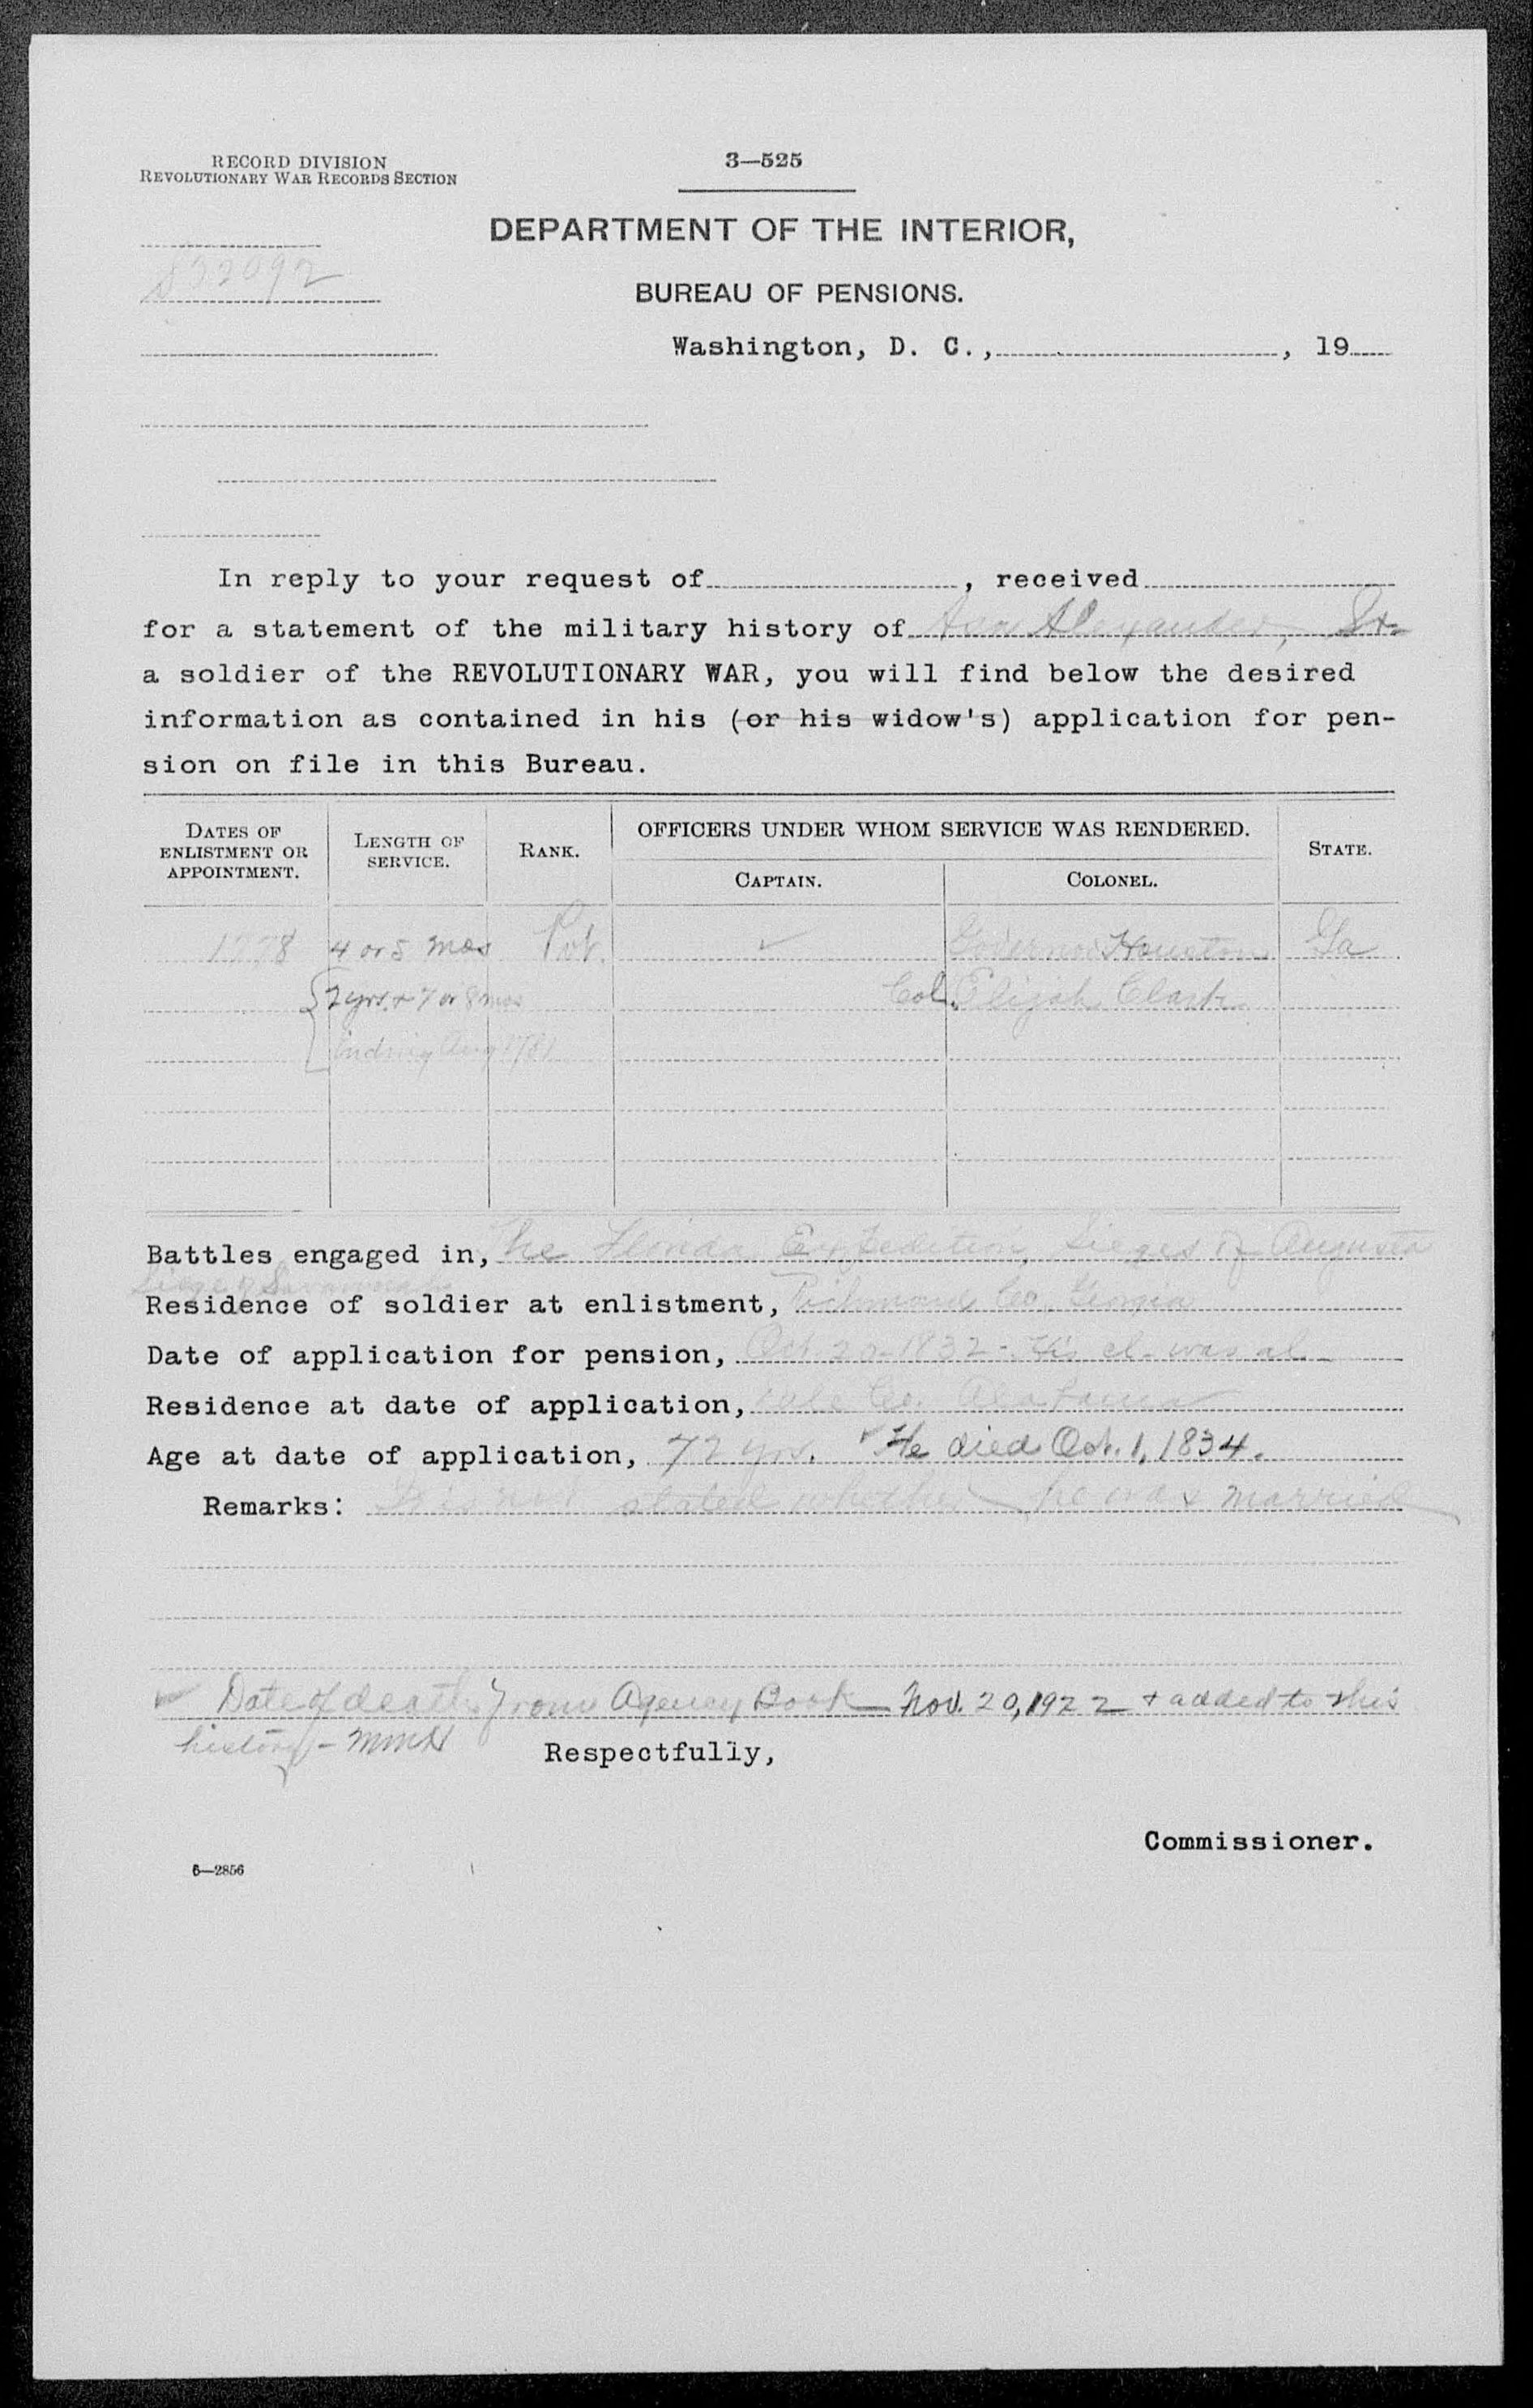RECORD DIVISION 
Revolutionary War Records Section 3–525
DEPARTMENT OF INTERIOR
S32092 [handwritten]
BUREAU OF PENSIONS
Washington, D. C. ,         ,19__. 


In reply to your request of _______, received _____ for a statement of the military history of Asa Alexander, St. [handwritten] a soldier of the REVOLUTIONARY WAR, you will find below the desired information as contained in his (or his widow’s [crossed out]) application for pension on file in this Bureau.

DATES OF ENLISTMENT OR APPOINTMENT  1778 

LENGTH OF SERVICE 
 4 or 5 mos
{2 yrs + 7 or 8 mos including Aug 1781

RANK
Pvt.

OFFICERS UNDER WHOM SERVICE WAS RENDERED 
CAPTAIN 
[checkmark]

COLONEL 
Governor Houston
Col. Elijah Clark

STATE
Ga

Battles engaged in, The Florida Expedition, Sieges of Augusta, Siege of Savannah

Residence of soldier at enlistment, Richmond Co, Georgia

Date of application for pension, Oct. 20 1832
[His I was al [illegible]]

Residence at date of application, D?ale [first letter illegible] Co. Alabama

Age at date of application, 72 yers. [checkmark]He died Oct. 1, 1834.

Remarks: It is not stated whether he was married. 

-
-
-
[checkmark] Date of death from Agency Book
— Nov. 20, 1922 + added to this history - minx [unclear]

Respectfully,

Commissioner.
5–2856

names: Elijah Clark, Asa Alexander, Elijah Clark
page: 22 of 35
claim: survivor's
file: S. 32092, Asa Alexander, Ga.